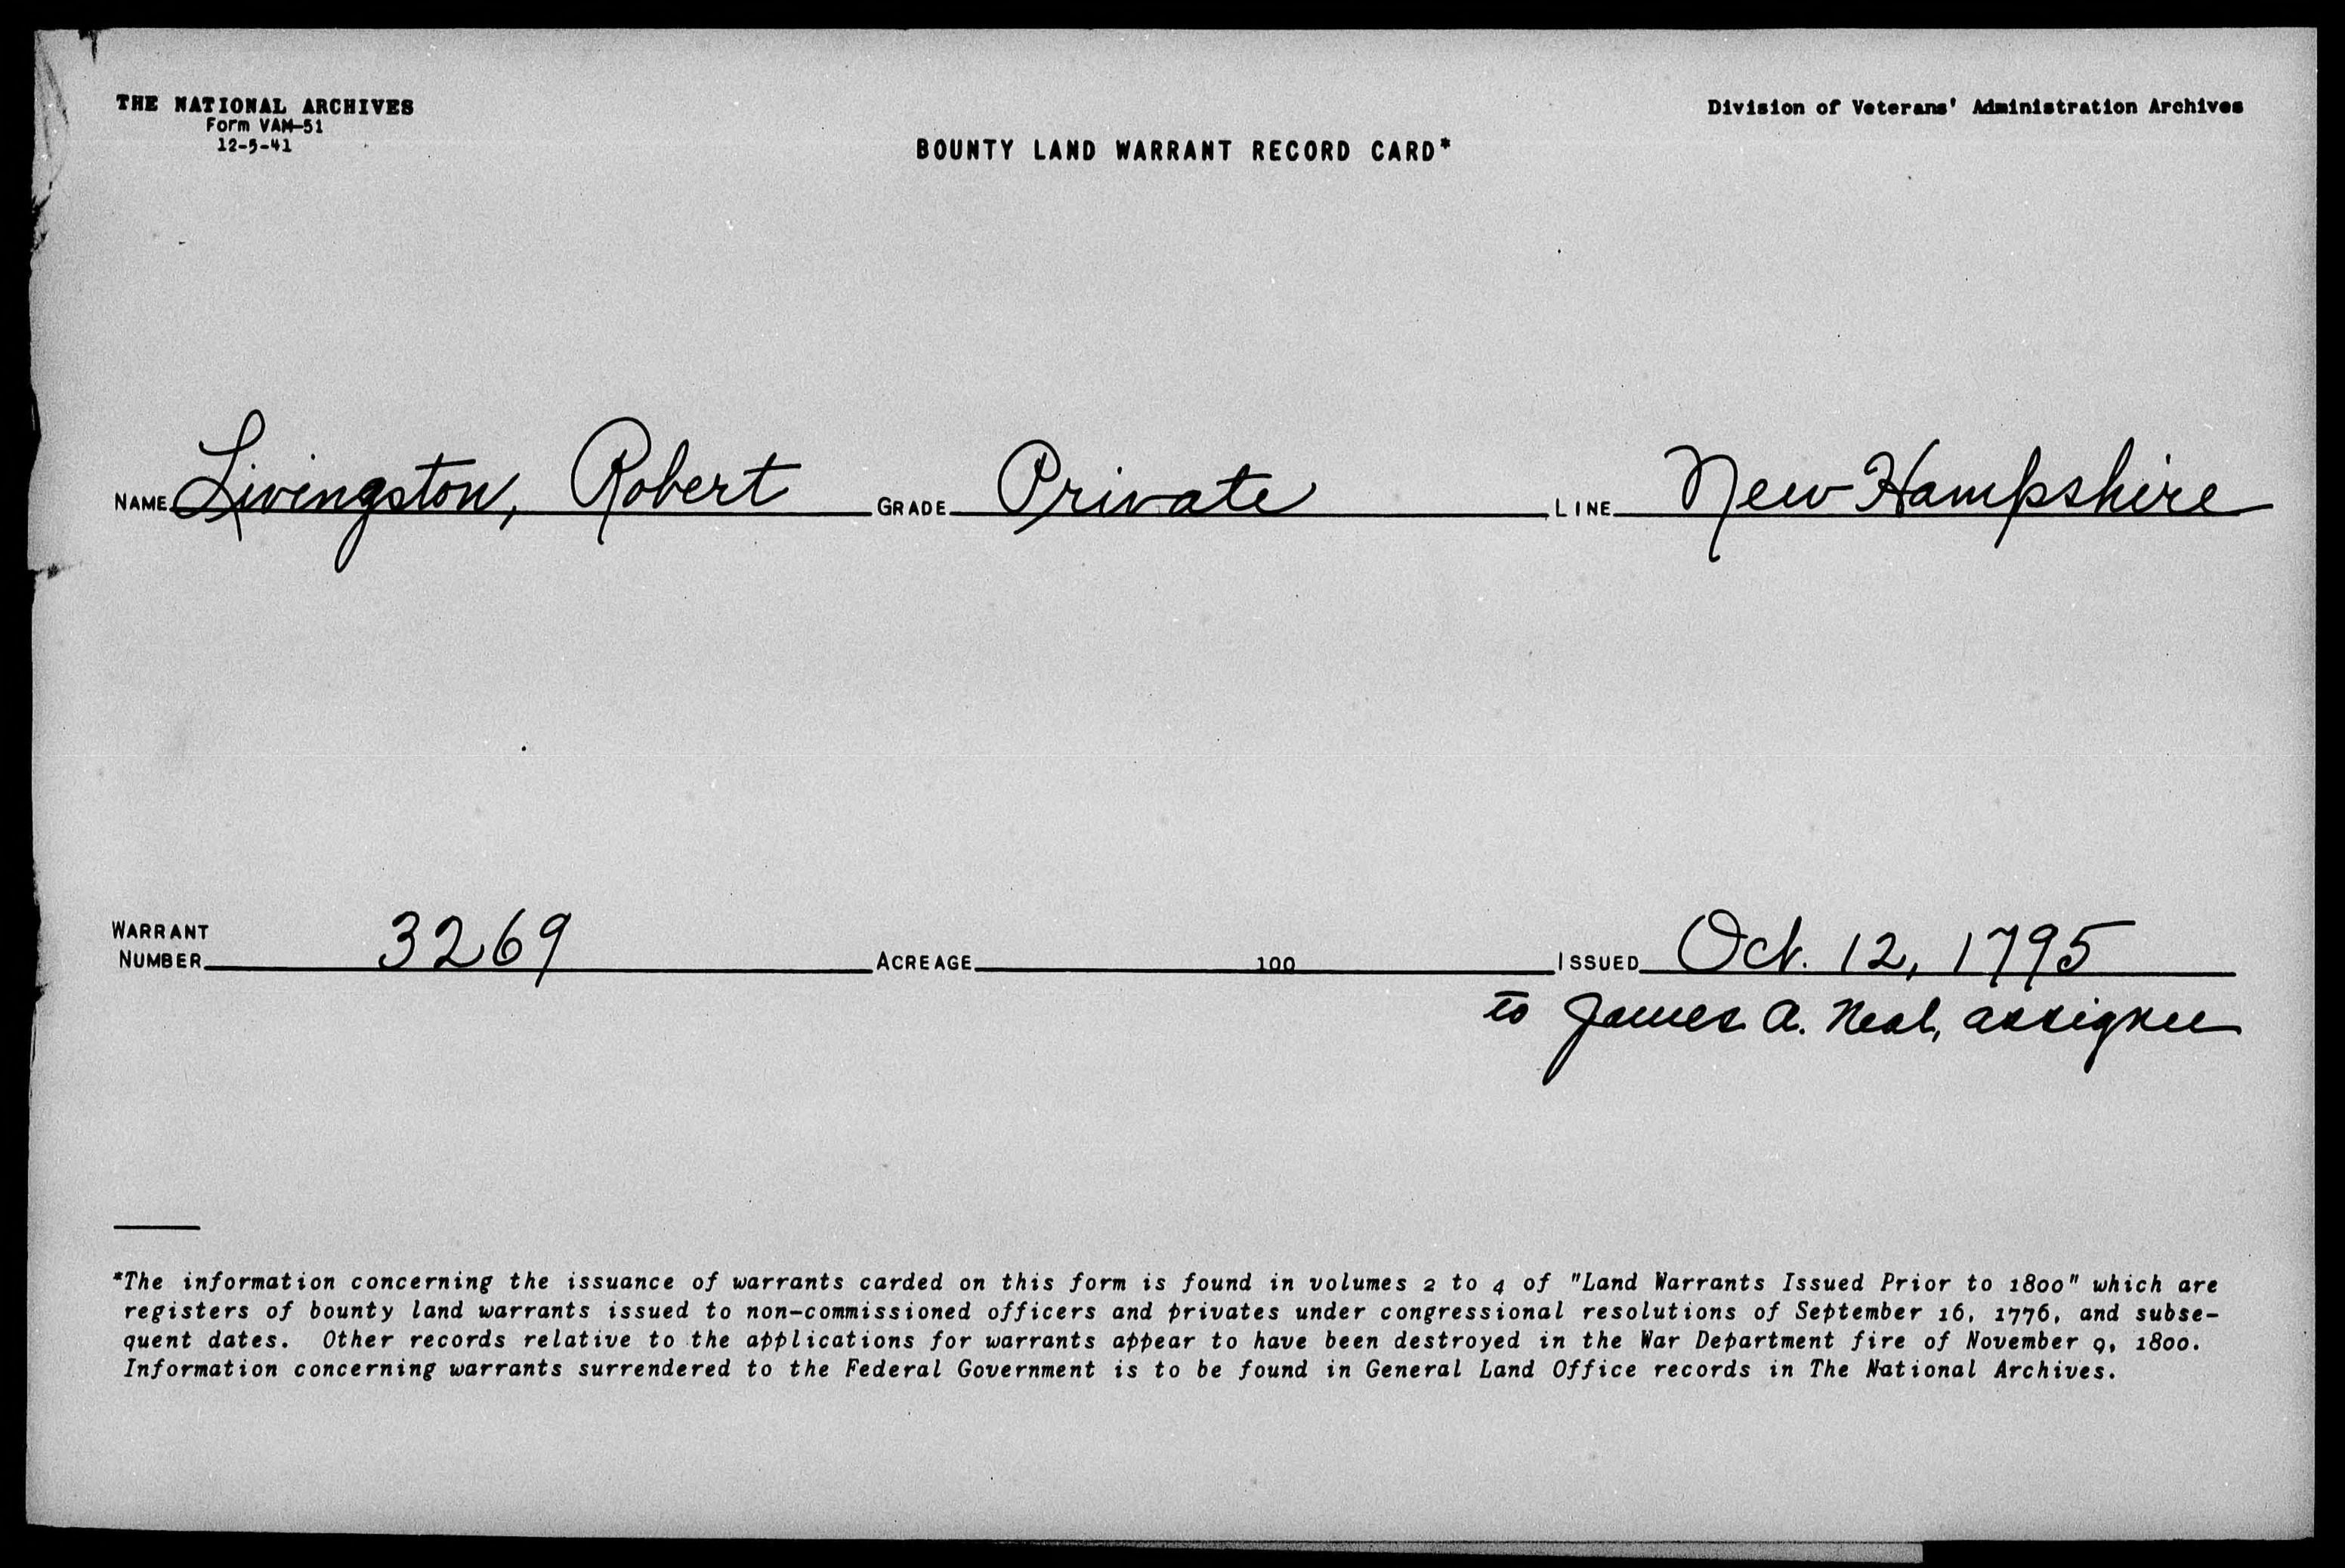THE NATIONAL ARCHIVES
Form VAM-51
12-5-41
Division of Veterans' Administration Archives
BOUNTY LAND WARRANT RECORD CARD*
 NAME Livingston, Robert
GRADE Private
LINE New Hampshire
WARRANT NUMBER 3269
ACREAGE 100
ISSUED Oct. 12, 1795
to James A. Neal, assignee

The information concerning the issuance of warrants carded on this form is found in volumes 2 to 4 of ""Land Warrants Issued Prior to 1800"" which are
registers of bounty land warrants issued to non-commissioned officers and privates under congressional resolutions of September 16, 1776, and subsequent dates. Other records relative to the applications for warrants appear to have been destroyed in the War Department fire of November 9, 1800.
Information concerning warrants surrendered to the Federal Government is to be found in General Land Office records in The National Archives.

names: Robert Livingston; James A Neal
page: 23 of 23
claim: survivor's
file: S 42874, for Robert Livingston, Maryland